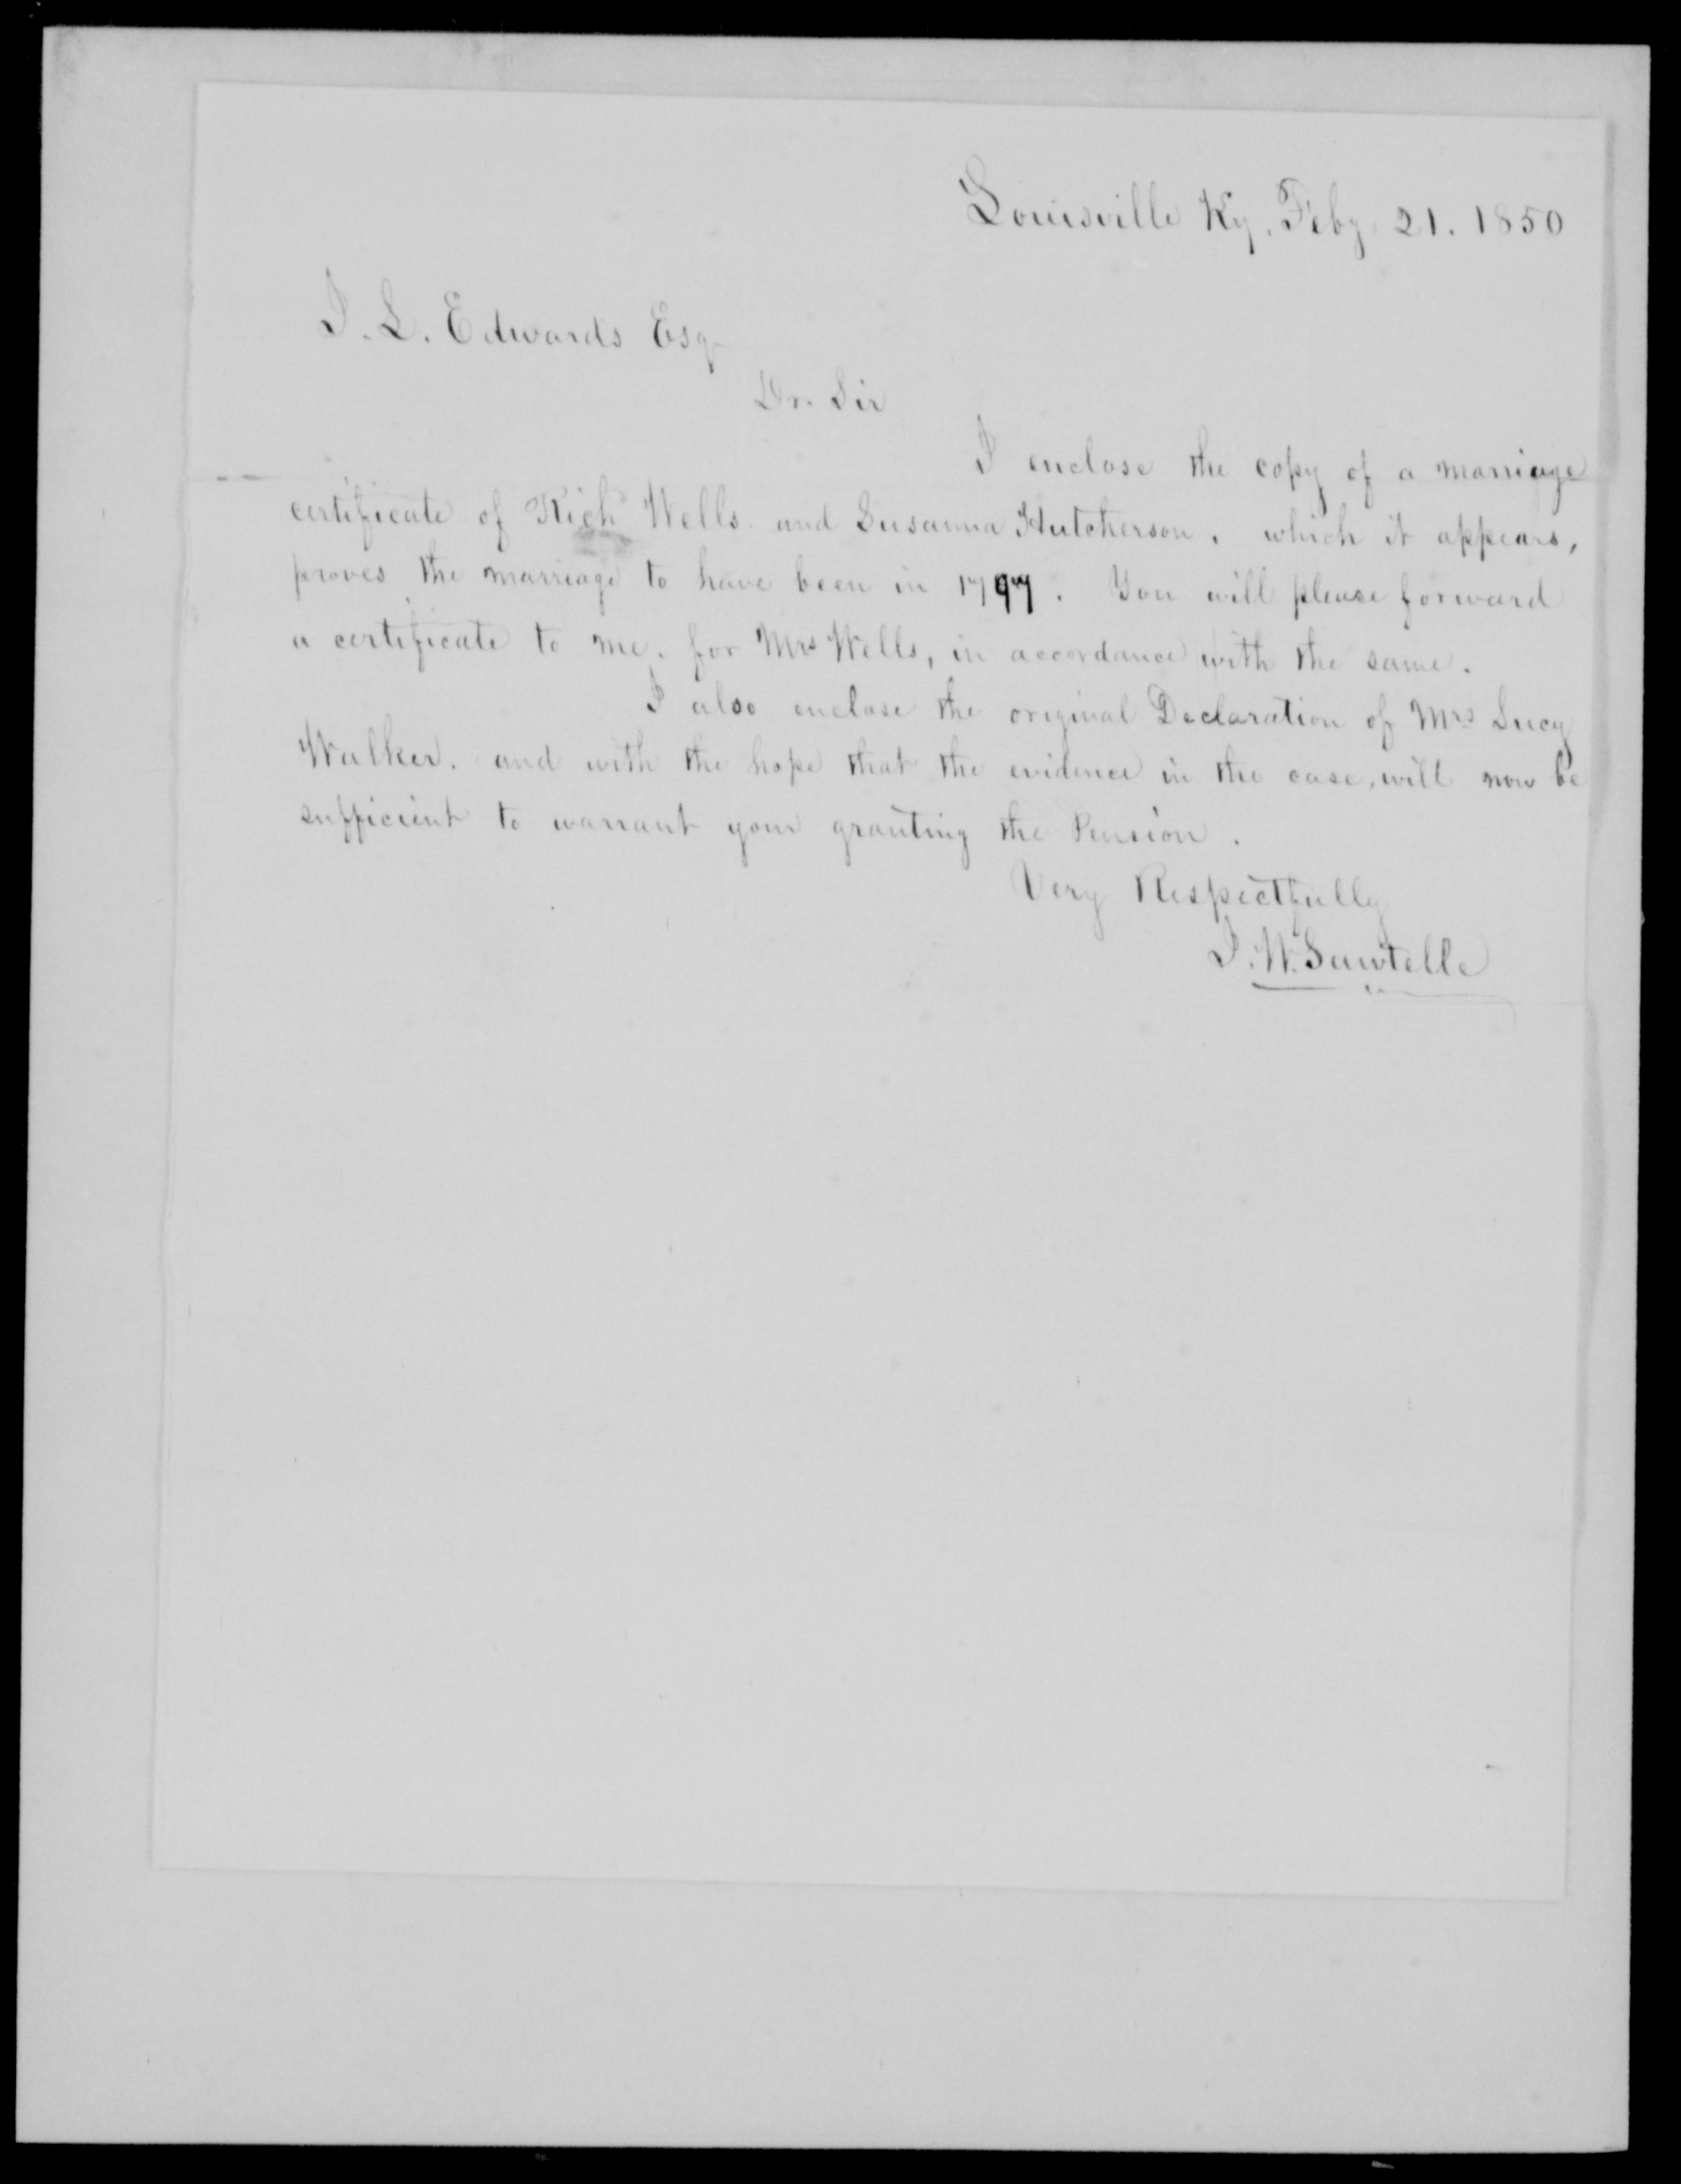Louisville Ky. Feby 21, 1850
J. L. Edwards Esq
D'r Sir
I enclose the copy of a marriage
certificate of Rich Wells and Susanna Hutcherson, which it appears
proves the marriage to have been in 1797. You will please forward
certificate to me for Mrs Wells, in accordance with the same.
I also enclose the original Declaration of Mrs Lucy
Walker, and with the hope that the evidence in the case, will now be
sufficient to warrant your granting the Pension.
Very Respectfully
J.W. Sawtelle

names: Richd Wells, Susanna Hutcherson, Lucy Walker, J W Sawtelle, J L Edwards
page: 56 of 100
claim: widow's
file: W. 6437, Richard Wells, Ga Va.